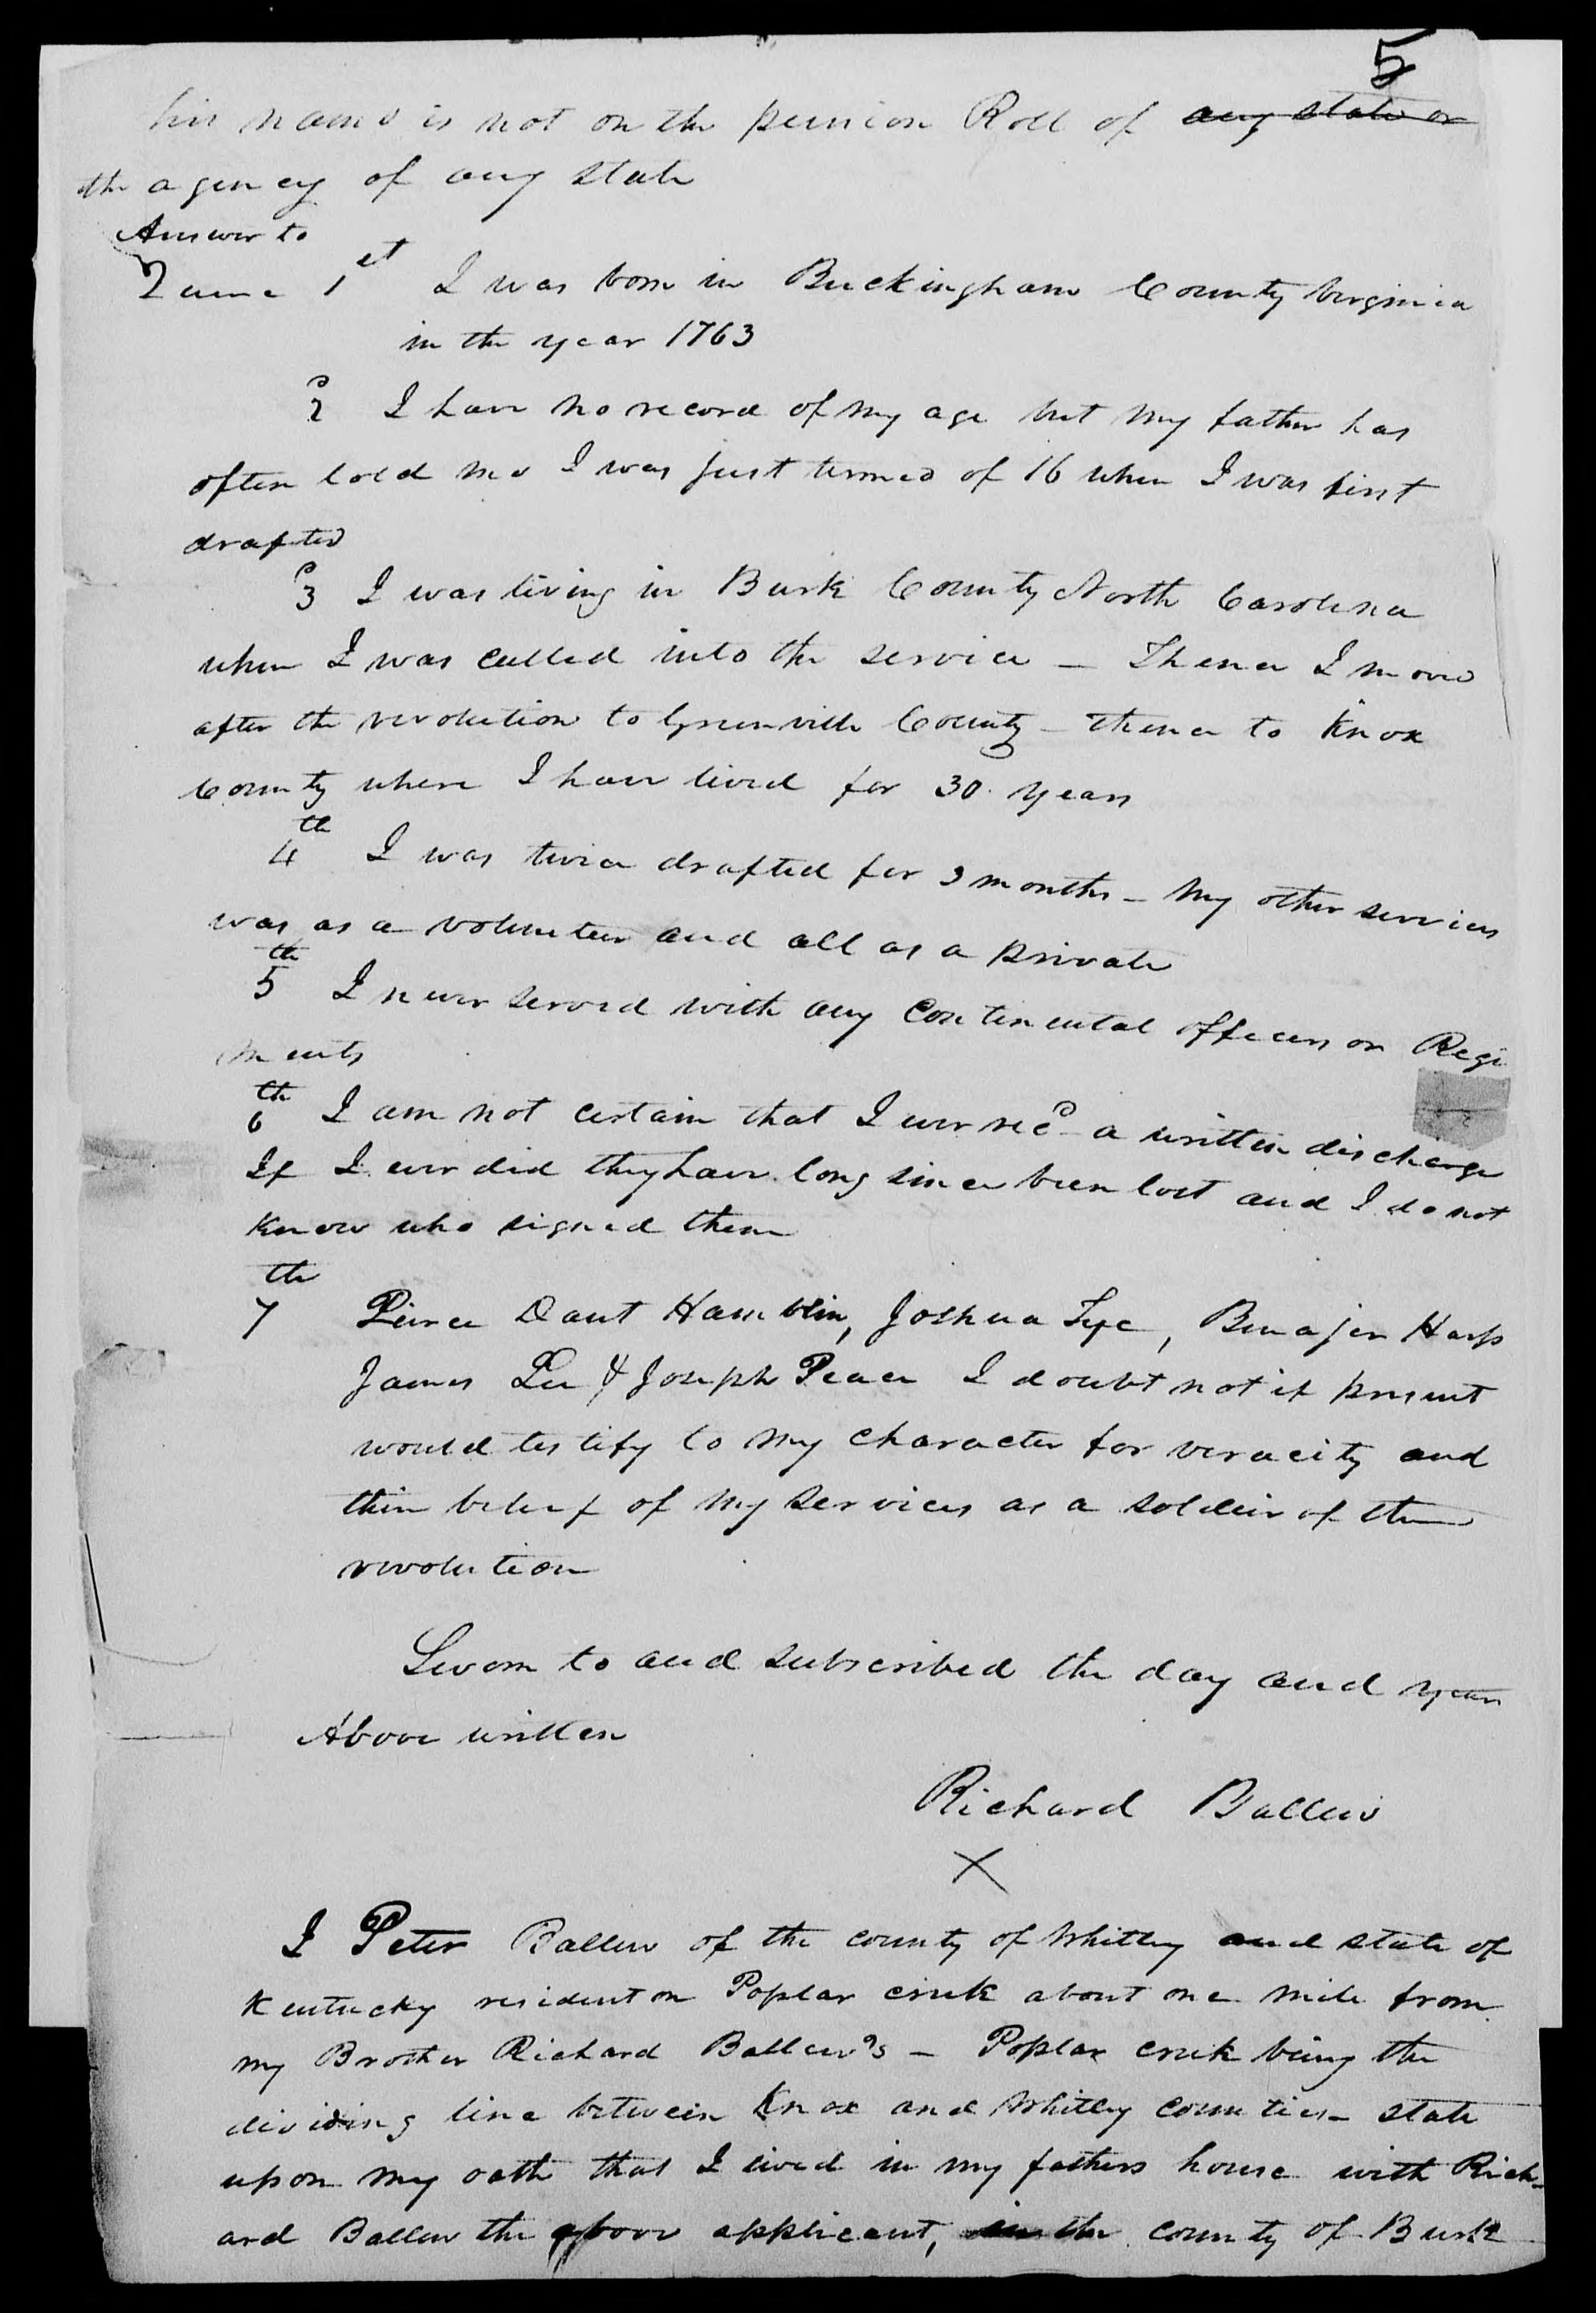his name is not on the pension Roll of the agency of any State.

Answer to
1st  I was born in Buckingham County Virginia in the year 1763
2nd  I have no record of my age but my father has often told me
         I was just termed of 16 when I was first drafted
3rd   I was living in Burk County North Carolina when I was called 
         into the service.  Thence I moved after the revolution to 
         Greenville County, thence to Knox County where I have lived
          for 30 years.
4th   I was twice drafter for 3 months.  My other services was as a
         volunteer and all as a private.
5th  I never served with any Continental officers or Regiments.
6th  I am not certain that I ever recd. a written discharge.  If I ever
        did they have long since been lost and I do not know who
         signed them.
7th  Pierce Daut Hamblin, Joshua Lye, Benajer Harp James lee, &
        Joseph Peace  I doubt not if present would testify to my 
         character for veracity and their belief of my services as a 
         soldier of the revolution

Sworn to and subscribed the day and year above written
(  mark of Richard Ballew)

I Peter Ballew of the county of Whitley and state of Kentucky
resident on Poplar creek about one mile from my brother
Richard Ballew's-- Poplar creek being the dividing line between 
Knox and Whitley Counties --state upon my oath that I lived in
my fathers home with Richard Ballew the above applicant,
county of Burk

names: Peter Ballew, Richard Ballew, Richard Ballew, James Lee, Joshua Lye, Pierce Dant Hamblin, Benajer Harp, Richard Ballew, Joseph Peace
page: 9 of 33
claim: survivor's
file: S. 15305, Richard Ballew, N.C.